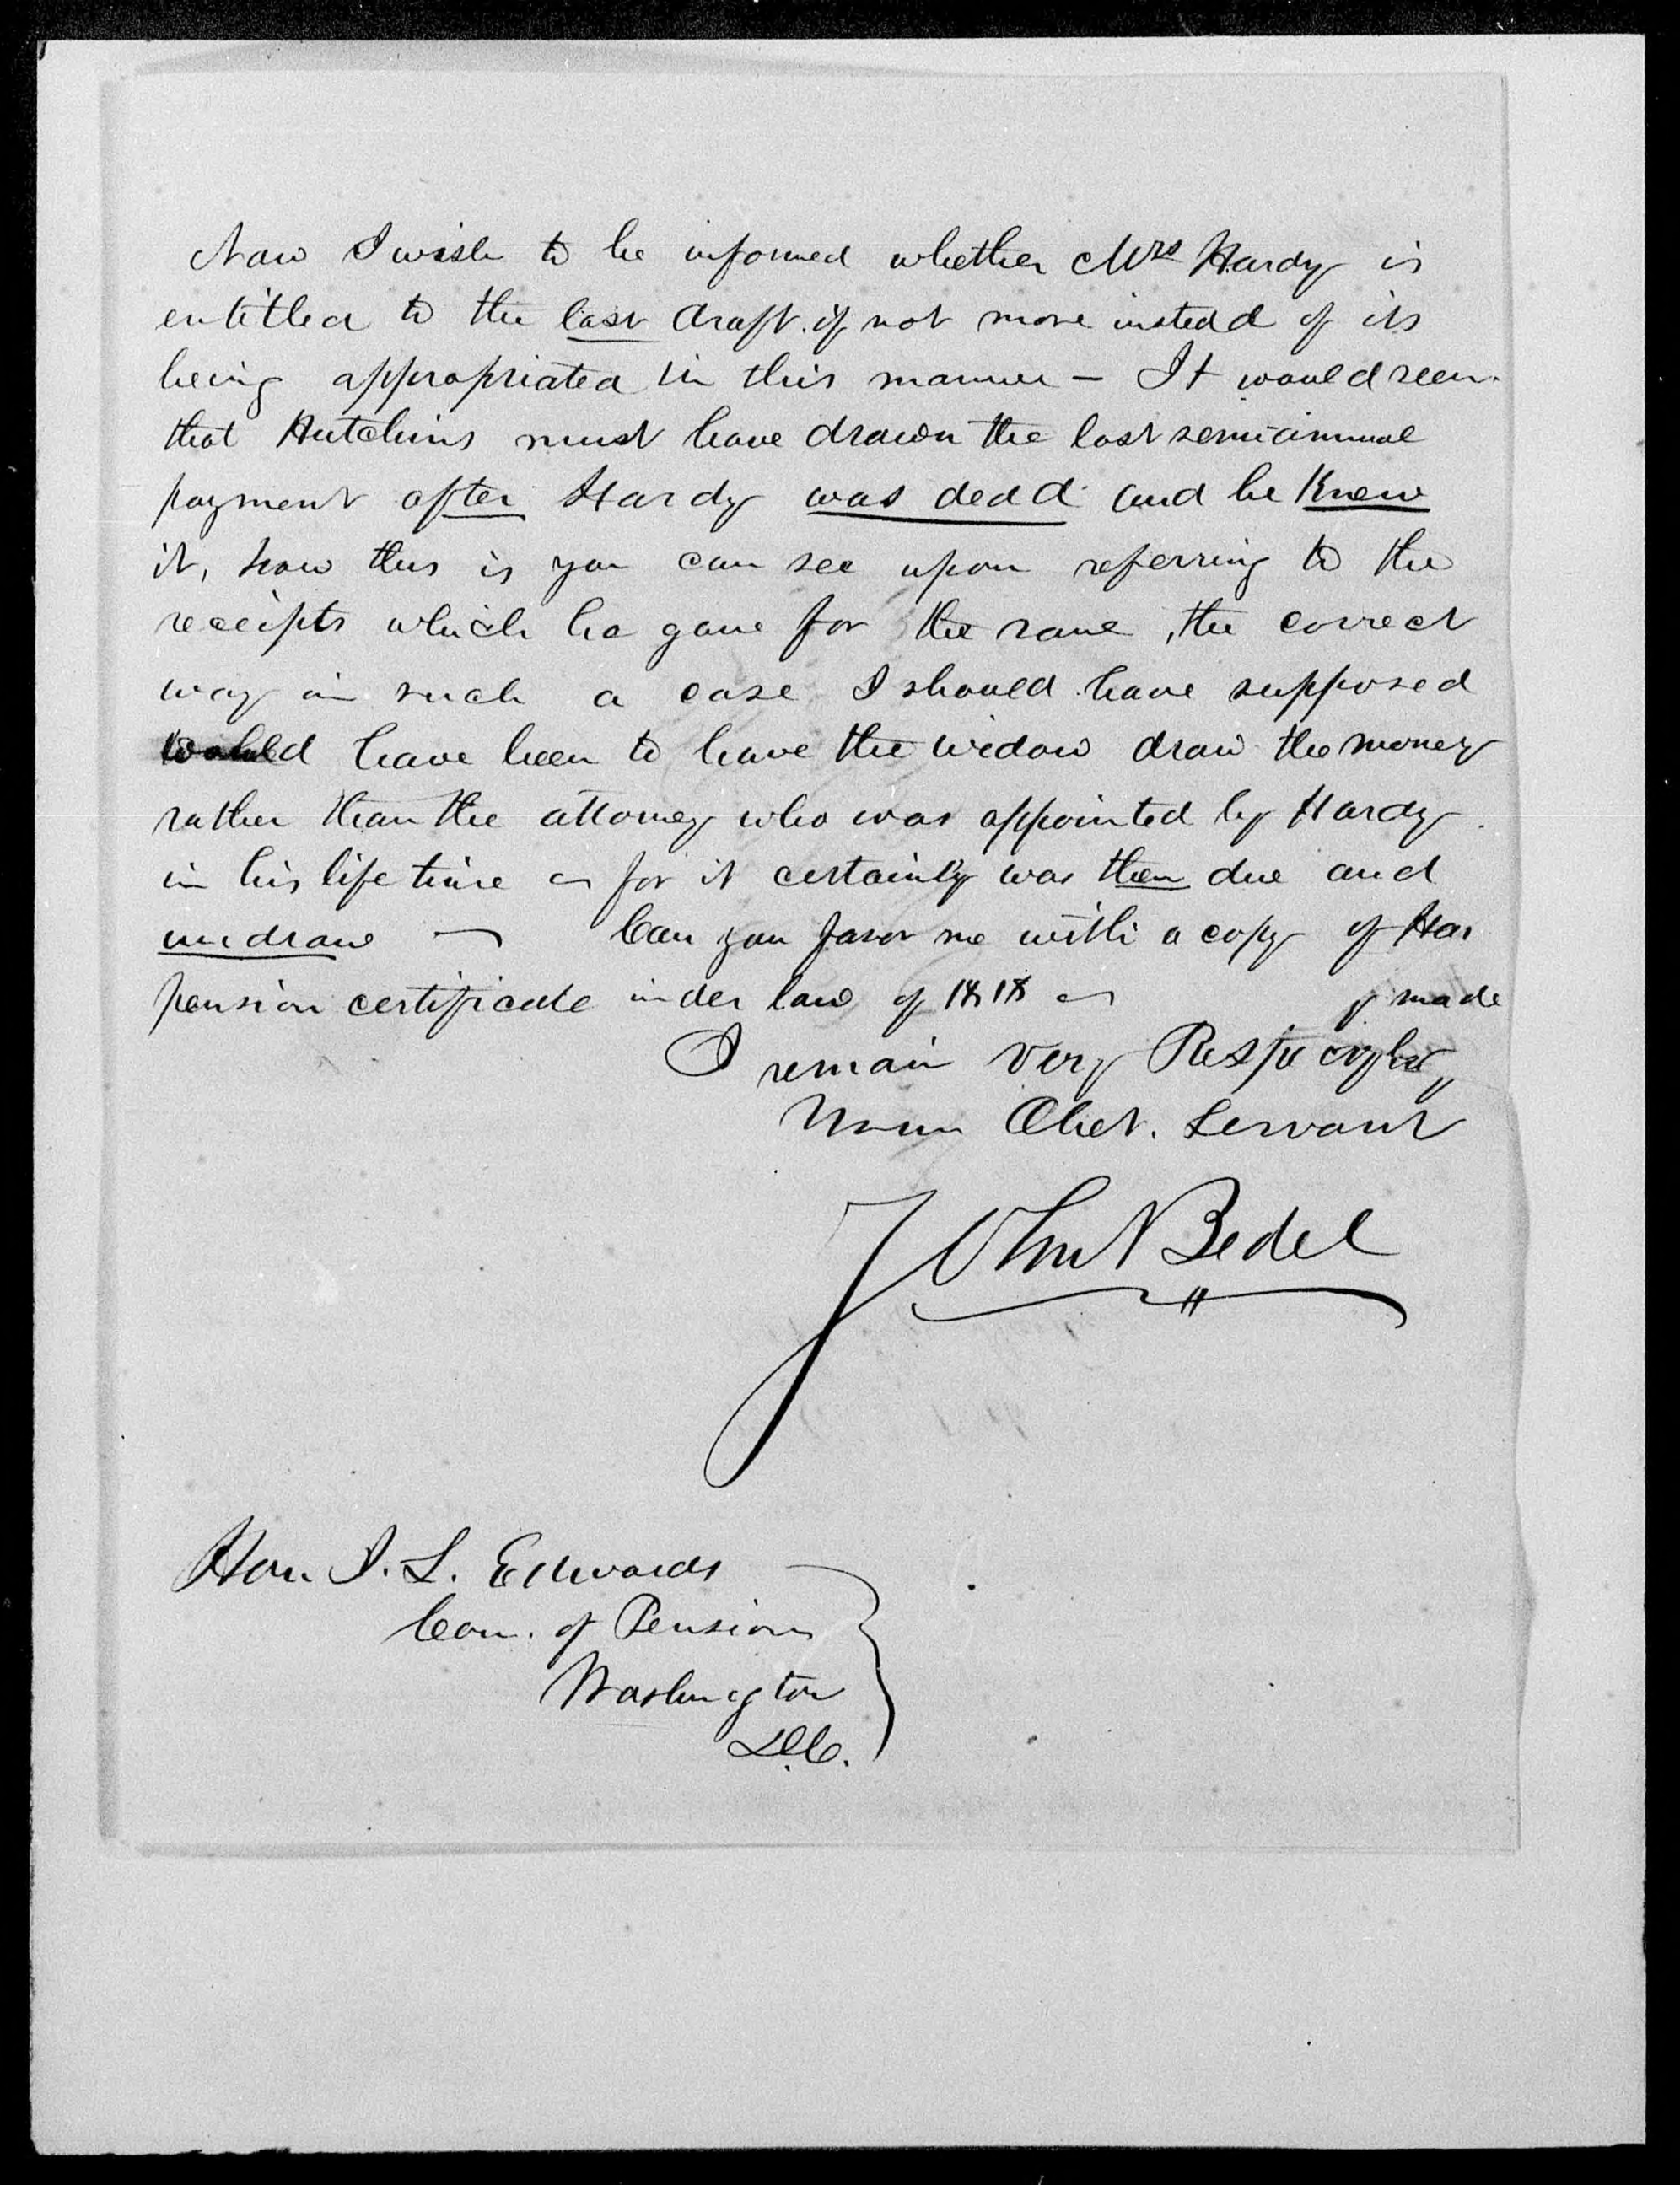Now I wish to be informed whether Mrs Hardy is entitled to the last draft. if not more interested if it being appropriated in the manner - It would seem that Hutchins must have drawn the last semi annual payment after Hardy was dead. And he knew it, how this is you can see from referring to the receipts which he gave for the same, the correct way is such a ease I should have supposed would have been to leave the widow draw the money rather than the attorney who was appointed by Hardy in his life time  - for it certainly was then due and widraw - Can you faver me with a copy of her pension certificate under law of 1818 -

Remain Very Respectfully
[unk] Obed Servant
John Bedel

Hon. J.L Edwards
Dean of Pension
Washington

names: John Bedel, J L Edwards, Hardy, Hardy, Hardy, Hutchins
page: 52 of 67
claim: widow's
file: W. 23183, Jesse Hardy, Mass.